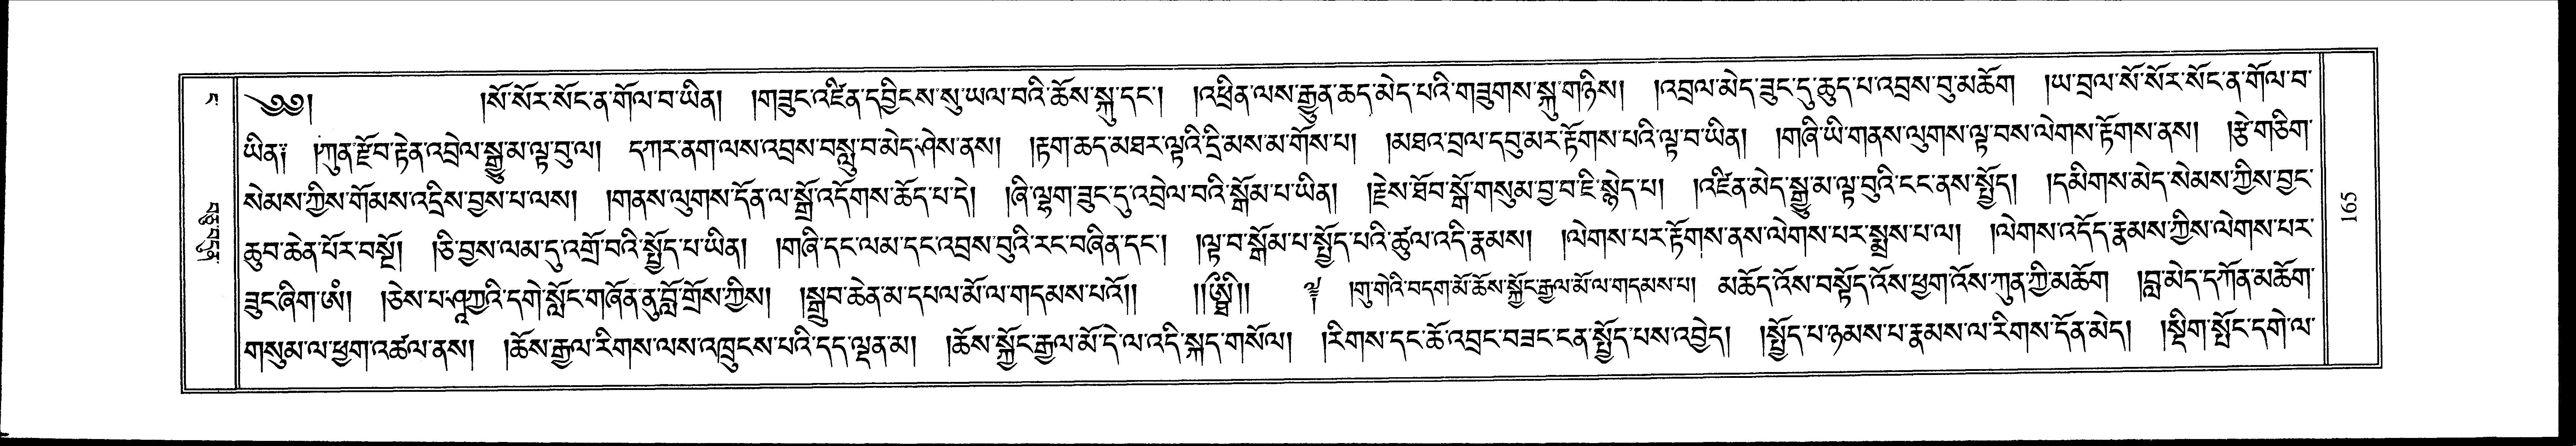༄༅། །སོ་སོར་སོང་ན་གོལ་བ་ཡིན། །གཟུང་འཛིན་དབྱིངས་སུ་ཡལ་བའི་ཆོས་སྐུ་དང་། །འཕྲིན་ལས་རྒྱུན་ཆད་མེད་པའི་གཟུགས་སྐུ་གཉིས། །འབྲལ་མེད་ཟུང་དུ་ཆུད་པ་འབྲས་བུ་མཆོག །ཡ་བྲལ་སོ་སོར་སོང་ན་གོལ་བ་
ཡིན། །ཀུན་རྫོབ་རྟེན་འབྲེལ་སྒྱུ་མ་ལྟ་བུ་ལ། དཀར་ནག་ལས་འབྲས་བསླུ་བ་མེད་ཤེས་ནས། །རྟག་ཆད་མཐར་ལྟའི་དྲི་མས་མ་གོས་པ། །མཐའ་བྲལ་དབུ་མར་རྟོགས་པའི་ལྟ་བ་ཡིན། །གཞི་ཡི་གནས་ལུགས་ལྟ་བས་ལེགས་རྟོགས་ནས། །རྩེ་གཅིག་
སེམས་ཀྱིས་གོམས་འདྲིས་བྱས་པ་ལས། །གནས་ལུགས་དོན་ལ་སྒྲོ་འདོགས་ཆོད་པ་དེ། །ཞི་ལྷག་ཟུང་དུ་འབྲེལ་བའི་སྒོམ་པ་ཡིན། །རྗེས་ཐོབ་སྒོ་གསུམ་བྱ་བ་ཇི་སྙེད་པ། །འཛིན་མེད་སྒྱུ་མ་ལྟ་བུའི་ངང་ནས་སྤྱོད། །དམིགས་མེད་སེམས་ཀྱིས་བྱང་
ཆུབ་ཆེན་པོར་བསྔོ། །ཅི་བྱས་ལམ་དུ་འགྲོ་བའི་སྤྱོད་པ་ཡིན། །གཞི་དང་ལམ་དང་འབྲས་བུའི་རང་བཞིན་དང་། །ལྟ་བ་སྒོམ་པ་སྤྱོད་པའི་ཚུལ་འདི་རྣམས། །ལེགས་པར་རྟོགས་ནས་ལེགས་པར་སྨྲས་པ་ལ། །ལེགས་འདོད་རྣམས་ཀྱིས་ལེགས་པར་
ཟུང་ཞིག་ཨཾ། །ཅེས་པ་ཤཱཀྱའི་དགེ་སློང་གཞོན་ནུ་བློ་གྲོས་ཀྱིས། །སྒྲུབ་ཆེན་མ་དཔལ་མོ་ལ་གདམས་པའོ།། །།ཨྀཨཐི།། ༈ །གུ་གེའི་བདག་མོ་ཆོས་སྐྱོང་རྒྱལ་མོ་ལ་གདམས་པ། མཆོད་འོས་བསྟོད་འོས་ཕྱག་འོས་ཀུན་ཀྱི་མཆོག །བླ་མེད་དཀོན་མཆོག་
གསུམ་ལ་ཕྱག་འཚལ་ནས། །ཆོས་རྒྱལ་རིགས་ལས་འཁྲུངས་པའི་དད་ལྡན་མ། །ཆོས་སྐྱོང་རྒྱལ་མོ་དེ་ལ་འདི་སྐད་གསོལ། །རིགས་དང་ཆོ་འབྲང་བཟང་ངན་སྤྱོད་པས་འབྱེད། །སྤྱོད་པ་ཉམས་པ་རྣམས་ལ་རིགས་དོན་མེད། །སྡིག་སྤོང་དགེ་ལ་